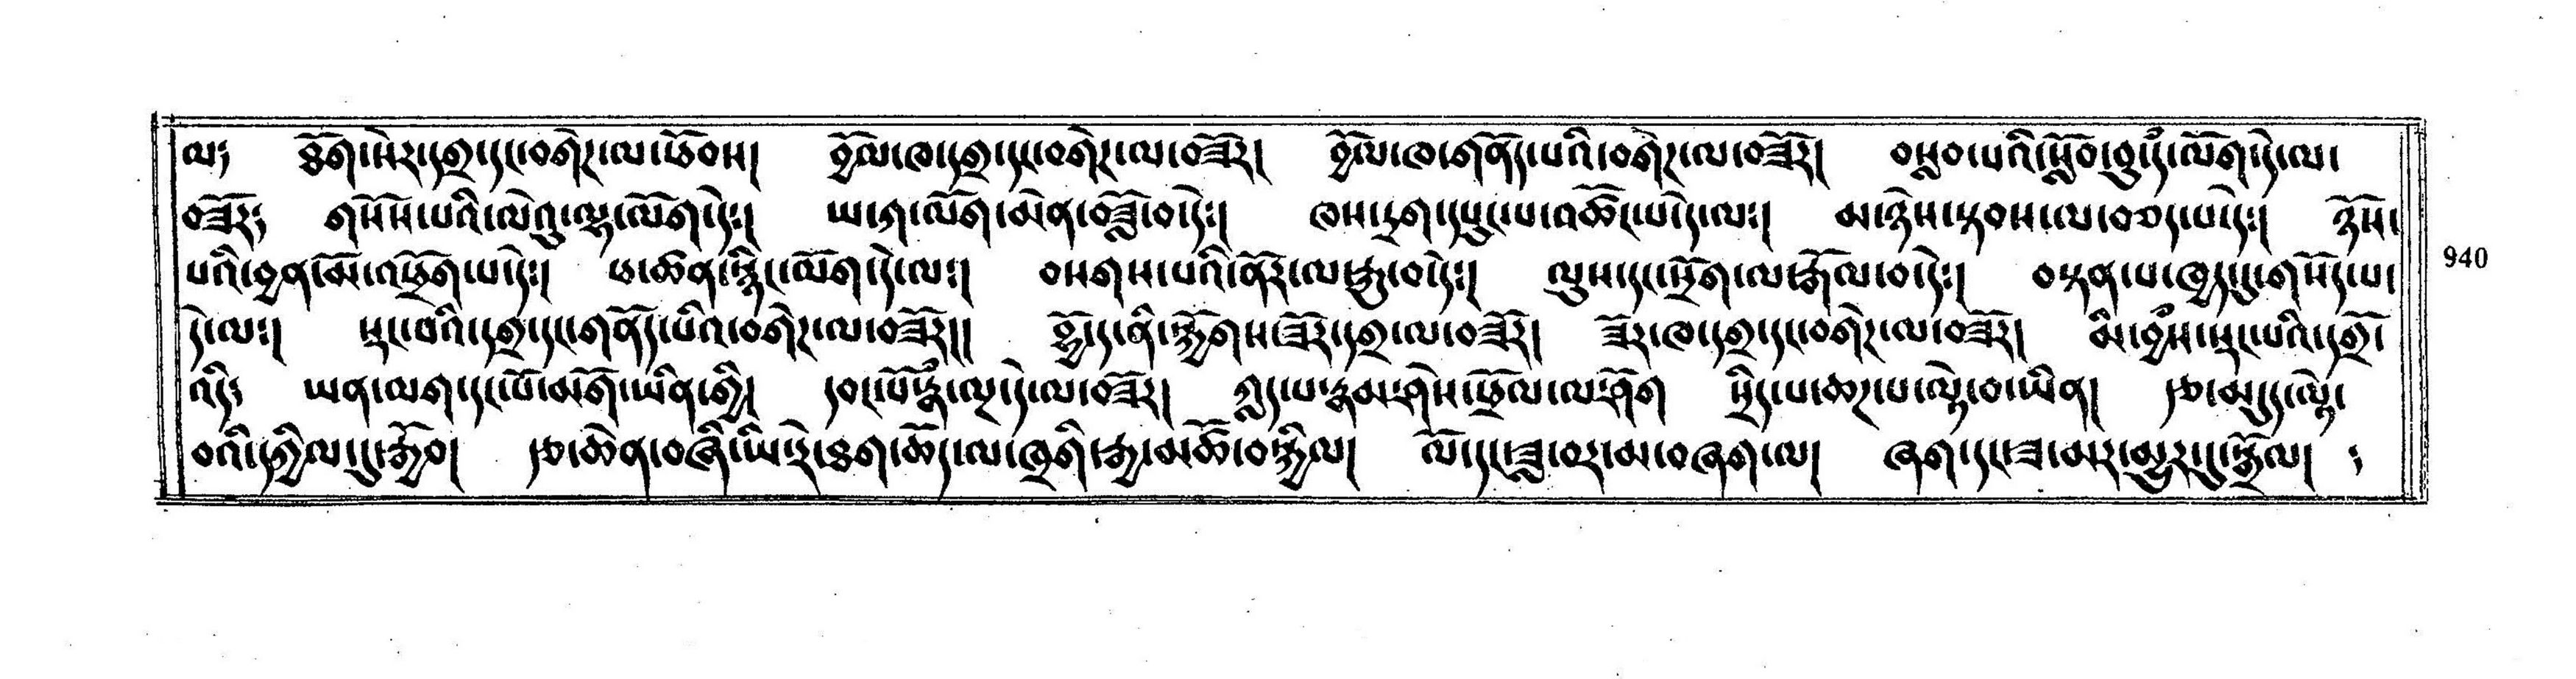ལ། ཐོག་སེར་དགྲ་དང་བགེགས་ལ་ཕོབས། བྱོལ་ཁ་དགྲ་དང་བགེགས་ལ་བཟོར། བྱོལ་ཁ་གནོད་པའི་བགེགས་ལ་བཟོར། བསླབ་པའི་སློབ་བུ་དམ་ལོག་དེ་ལ་
བཟོར། གསོས་པའི་ལེའུ་ལྷ་ལོག་དེ༴། ཡ་ཀ་ལོག་མེན་བཟློ་བ་དེ༴། ཁས་དྲག་དཔུང་པ་འཚོང་པ་དེ་ལ༴། མ་ཉེས་སྟབས་ལ་བཅད་པ་དེ༴། ཉོས་
པའི་བྱན་མོ་འཕྲོག་པ་དེ༴། ཕ་ཚན་སྙིང་ལོག་དེ་ལ༴། བསགས་པའི་ནོར་ལ་རྐུ་བ་དེ༴། ལུས་དང་སྲོག་ལ་རྒོལ་བ་དེ༴། བསྟན་པ་ཁྱད་དུ་གསོད་པ་
དེ་ལ༴། སྡང་བའི་དགྲ་དང་གནོད་པའི་བགེགས་ལ་བཟོར།། བྷྱོ་ད་ནི་སྐྱོགས་ཟོར་དགྲ་ལ་བཟོར། ཟོར་ཁ་དགྲ་དང་བགེགས་ལ་བཟོར། མི་བྱམས་སྡང་པའི་དགྲ་བོ་
འདི། ཡན་ལག་དང་པོ་མགོ་ཡིན་གྱི། དབང་པོ་རྣམ་ལྔ་དེ་ལ་བཟོར། ཀླད་པ་རྣམ་ཤེས་ཕྲོལ་ལ་ཤོག སྲིད་པ་ཆགས་པ་ལྟེ་བ་ཡིན། རྩ་མདུད་ལྟེ་
བའི་དཀྱིལ་དུ་རྒྱོབ། རྩ་ཆེན་བཞི་ཡི་རེ་ཐག་ཆོད་ལ་ཁྲག་གི་རྒྱ་མཚོ་བསྐྱིལ། ལོ་དང་ཟླ་བར་མ་བཞག་ལ། ཞག་དང་ཟ་མར་མྱུར་དུ་སྒྲོལ།